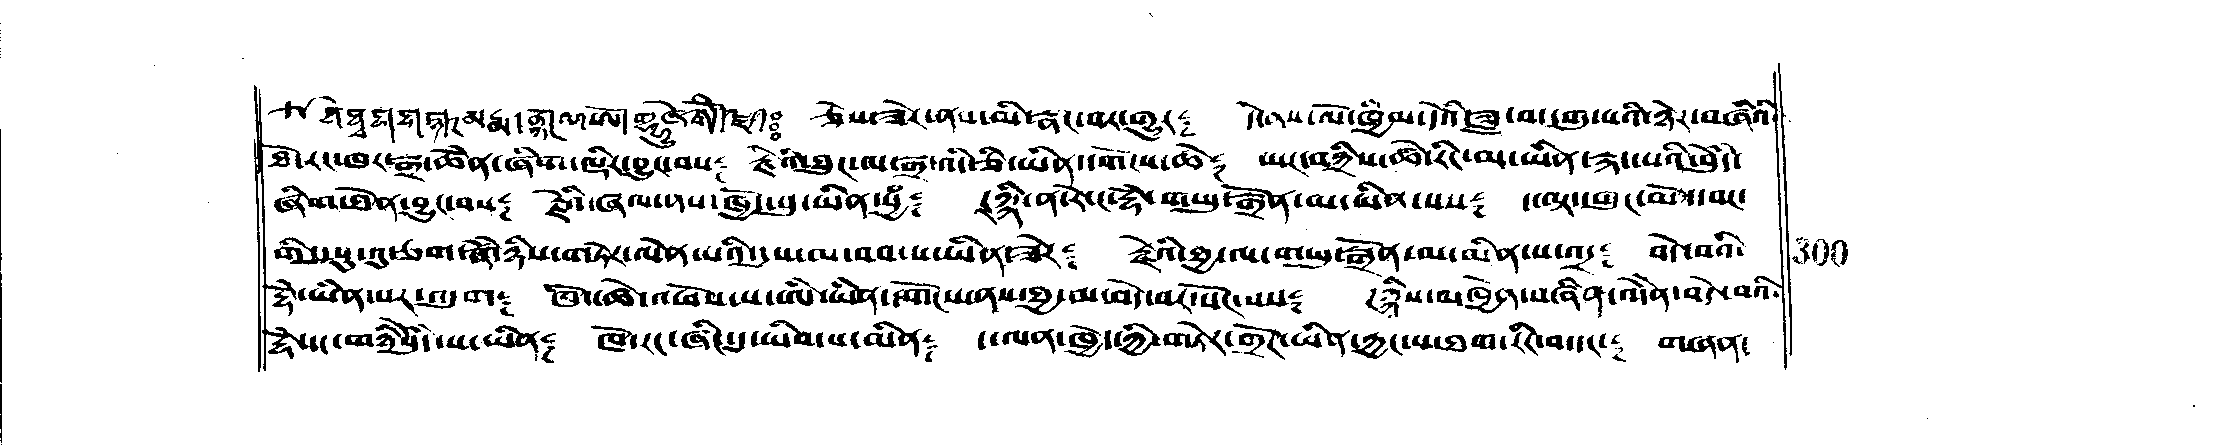༼་་་་་་་་་་་་་་་་་་་་་་་༽ ཅེས་ཟེར་ནས་མི་སྣང་བར་གྱུར། དེ་ནས་ལོ་ཁྱིམ་དེའི་ཟླ་བ་དགུ་པའི་ཉེར་བཞིའི་
ཐོ་རངས་ཁར་སྒྲ་ཆེན་པོ་ཞིག་ལྡིར་བྱུང་བས། རྗེའི་ཐུགས་ལ་སྒྲ་འདི་ཅི་ཡིན་དགོངས་ཚེ། ཡར་བཀྲ་ཤིས་ཚེ་རིང་མ་ཡིན་སྐད་པའི་བུད་མེད་
ཞིག་ཐོན་བྱུང་བས། རྗེའི་ཞལ་ནས་ཁྱོད་སུ་ཡིན་གསུང། ཌཱཀྐི་ན་རེ་ང་རྡོ་རྗེ་གཡུ་སྒྲོན་མ་ཡིན་པས། ད་ལྟ་དགུང་མོ་དབང་
གི་དུས་སུ་འུ་ཅག་རྣམ་གཉིས་གཏེར་ལེན་པའི་དུས་ལ་བབ་པ་ཡིན་ཟེར། རྗེའི་ཐུགས་ལ་གཡུ་སྒྲོན་མ་མིན་པ་འདྲ། བདེ་བའི་
རྡོ་རྗེ་ཡིན་པར་འདུག ཁོང་ཚེ་འཕོས་པ་ཨི་ཡིན་དགོངས་ནས་ཐུགས་མ་བདེ་བར་སོང་བས། ཌཱཀྐིས་མཁྱེན་བཞིན་བདེ་ཆེན་བདེ་བའི་
རྡོ་རྗེ་དང་གཉིས་སུ་མེད་པ་ཡིན། ཁོ་རང་ཞིང་དུ་ཡིབ་པ་མིན། ད་ལན་ཁྱེད་ཀྱི་གཏེར་གྲོགས་ཡིན་ཀྱང་ས་ཐག་རིང་བ་དང་། གཞན་